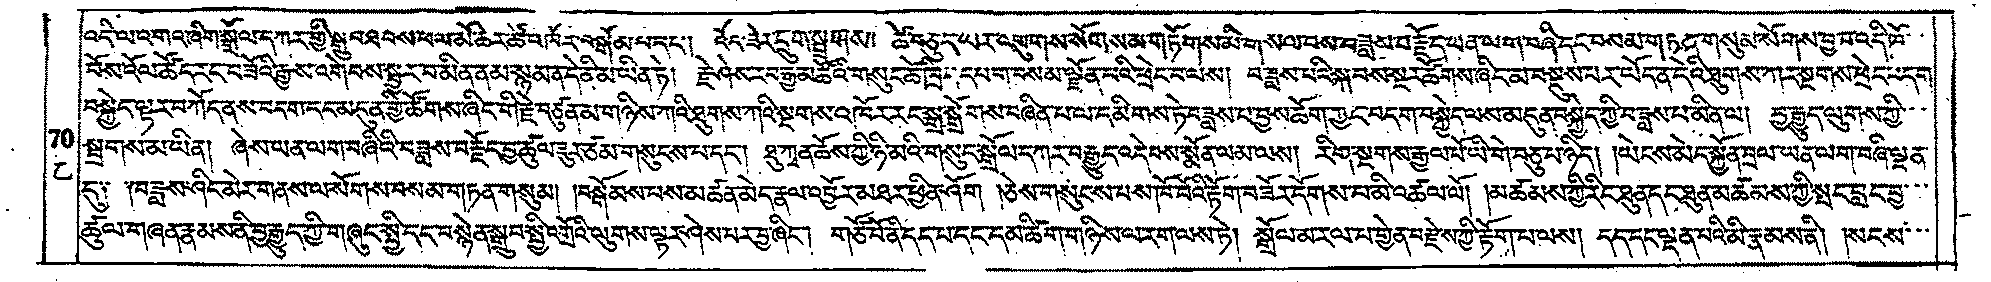འདི་ལ་འགའ་ཞིག་སྒྲོལ་དཀར་གྱི་སྒྲུབ་ཐབས་ཕལ་མོ་ཆེར་ཆ་འཁོར་བསྒོམ་པ་དང་། འོད་ཟེར་དྲུག་སྦྲགས། ཚེ་བཅུང་ཡར་འགུགས་སོགས་མ་གཏོགས་མི་གསལ་བས་བཟླས་བརྗོད་ཡན་ལག་བཞི་དང་བསམ་གཏན་གསུམ་སོགས་བྱ་བ་འདི་ཁོ་་་
བོས་འོལ་ཚེད་རང་བཟོའི་རྒྱས་འགེབས་སྦྱར་བ་མིན་ནམ་སྙམ་ན་དེ་ནི་མ་ཡིན་ཏེ། རྗེ་ཤེས་རབ་རྒྱ་མཚོའི་གསུང་ཚེ་ཁྲིད་དཔག་བསམ་ལྗོན་པའི་ཕྲེང་བ་ལས། བཟླས་པའི་སྐབས་སྔར་ཚོགས་ཞིང་མ་བསྡུས་པར་ཡོད་ན་དེའི་ཐུགས་ཀར་སྔགས་ཕྲེང་བདག་
བསྐྱེད་ལྟར་བཀོད་ནས་བདག་དང་མདུན་གྱི་ཚོགས་ཞིང་གི་རྗེ་བཙུན་མ་གཉིས་ཀའི་ཐུགས་ཀའི་སྔགས་འཁོར་རང་སྒྲ་སྒྲོགས་བཞིན་པ་ལ་དམིགས་ཏེ་བཟླས་པ་བྱས་ཆོག་ཀྱང་བདག་བསྐྱེད་ལས་མདུན་བསྐྱེད་ཀྱི་བཟླས་པ་མིན་ལ། བྱ་རྒྱུད་ལུགས་ཀྱི་་་
སྦྲགས་མ་ཡིན། ཞེས་ཡན་ལག་བཞིའི་བཟླས་བརྗོད་བྱ་ཚུལ་ཟུར་ཙམ་གསུངས་པ་དང་། ཐུ་ཀྭན་ཆོས་ཀྱི་ཉི་མའི་གསུང་སྒྲོལ་དཀར་བརྒྱུད་འདེབས་སྨོན་ལམ་ལས། རིག་སྔགས་རྒྱལ་པོ་ཡི་གེ་བཅུ་པ་ཉིད། །ཡེངས་མེད་སྐྱོན་བྲལ་ཡན་ལག་བཞི་ལྡན་
དུ༑ ༑བཟླས་ཤིང་མེར་གནས་ལ་སོགས་བསམ་གཏན་གསུམ། །བསྒོམས་པས་མཚན་མེད་རྣལ་འབྱོར་མཐར་ཕྱིན་ཤོག །ཅེས་གསུངས་པས་ཁོ་བོའི་རྟོག་བཟོར་དོགས་པ་མི་འཚལ་ལོ། །མཚམས་ཀྱི་རིང་ཐུན་དང་ཐུན་མཚམས་ཀྱི་སྤང་བླང་བྱ་་་
ཚུལ་གཞན་རྣམས་ནི་བྱ་རྒྱུད་ཀྱི་གཞུང་སྤྱི་དང་བསྙེན་སྒྲུབ་སྤྱི་འགྲོའི་ལུགས་ལྟར་ཤེས་པར་བྱ་ཞིང་། གཙོ་བོ་ནི་དད་པ་དང་དམ་ཚིག་གཉིས་ལ་རག་ལས་ཏེ། སྒྲོལ་མ་རལ་པ་གྱེན་བརྫེས་ཀྱི་རྟོག་པ་ལས། དད་དང་ལྡན་པའི་མི་རྣམས་ནི། །སངྶ་་་